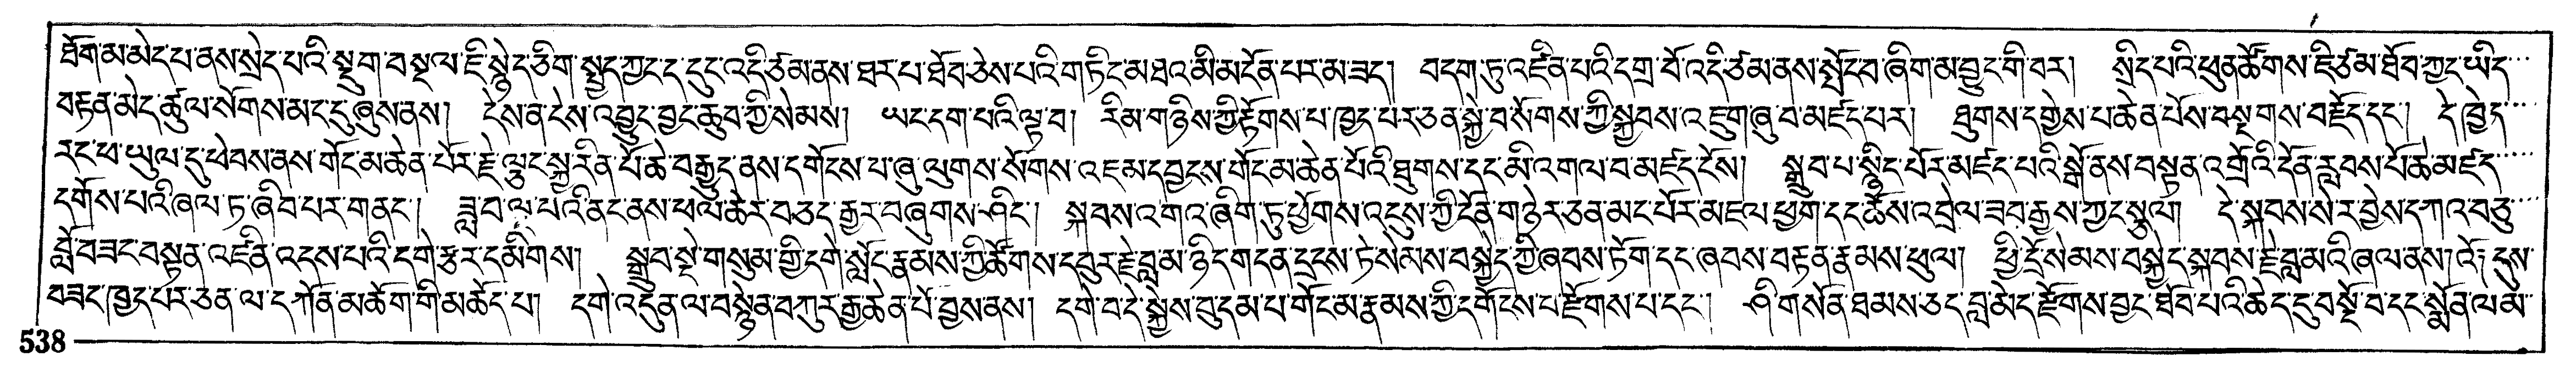ཐོག་མ་མེད་པ་ནས་སྲིད་པའི་སྡུག་བསྔལ་ཇི་སྙེད་ཅིག་སྤྱད་ཀྱང་ད་དུང་འདི་ཙམ་ནས་ཐར་པ་ཐོབ་ཅེས་པའི་གཏིང་མཐའ་མི་མངོན་པར་མ་ཟད། བདག་ཏུ་འཛིན་པའི་དགྲ་བོ་འདི་ཙམ་ནས་སྤོང་བ་ཞིག་མ་བྱུང་གི་བར། སྲིད་པའི་ཕུན་ཚོགས་ཇི་ཙམ་ཐོབ་ཀྱང་ཡིད་
བརྟན་མེད་ཚུལ་སོགས་མང་དུ་ཞུས་ནས། དེས་ན་ངེས་འབྱུང་བྱང་ཆུབ་ཀྱི་སེམས། ཡང་དག་པའི་ལྷ་བ། རིམ་གཉིས་ཀྱི་རྟོགས་བ་ཁྱད་བར་ཅན་སྐྱེ་བ་སོགས་ཀྱི་སྐྱབས་འཇུག་ཞུ་བ་མཛད་པར། ཐུགས་དགྱེས་པ་ཆེན་པོས་བསྔགས་བརྗོད་དང་། ད་ཁྱེད་
རང་ཕ་ཡུལ་དུ་ཕེབས་ནས་གོང་མ་ཆེན་པོར་རྗེ་ལྕང་སྐྱ་རིན་པོ་ཆེ་བརྒྱུད་ནས་དགོངས་པ་ཞུ་ལུགས་སོགས་འཇམ་དབྱངས་གོང་མ་ཆེན་པོའི་ཐུགས་དང་མི་འགལ་བ་མཛད་ངོས། སྒྲུབ་པ་སྙིང་པོར་མཛད་པའི་སྒོ་ནས་བསྟན་འགྲོའི་དོན་བླབས་པོ་ཆེ་མཛད་
དགོས་པའི་ཞལ་ཏ་ཞིབ་པར་གནང་། ཟླ་བ་ལྔ་པའི་ནང་ནས་ཕལ་ཆེར་བཅད་རྒྱར་བཞུགས་ཤིང་། སྐབས་འགའ་ཞིག་ཏུ་ཕྱོགས་འདུས་ཀྱི་དོན་གཉེར་ཅན་མང་པོར་མཇལ་ཕྱག་དང་ཆོས་འབྲེལ་ཟབ་རྒྱས་ཀྱང་སྩལ། དེ་སྐབས་སེར་བྱེས་དཀའ་བཅུ་
བློ་བཟང་བསྟན་འཛིན་འདས་པའི་དགེ་རྩར་དམིགས། སྒྲུབ་སྡེ་གསུམ་གྱི་དགེ་སློང་རྣམས་ཀྱི་ཆོགས་དབུར་རྗེ་བླ་མ་ཉིད་གདན་དྲངས་ཏེ་སེམས་བསྐྱེད་ཀྱི་ཞབས་ཏོག་དང་ཞབས་བརྟན་རྣམས་ཕུལ། ཕྱི་དྲོ་སེམས་བསྐྱེད་སྐབས་རྗེ་བླ་མའི་ཞལ་ནས་། འོ༑ དུས་
བཟང་ཁྱད་པར་ཅན་ལ་དཀོན་མཆོག་གི་མཆོད་པ། དགེ་འདུན་ལ་བསྙེན་བཀུར་རྒྱ་ཆེན་པོ་བྱས་ནས། དགེ་བ་དེ་སྐྱེས་བུ་དམ་པ་གོང་མ་རྣམས་ཀྱི་དགོངས་པ་རྫོགས་པ་དང་། ཤི་གསོན་ཐམས་ཅད་བླ་མེད་རྫོགས་བྱང་ཐོབ་པའི་ཆེད་དུ་བསྔོ་བ་དང་སྨོན་ལམ་